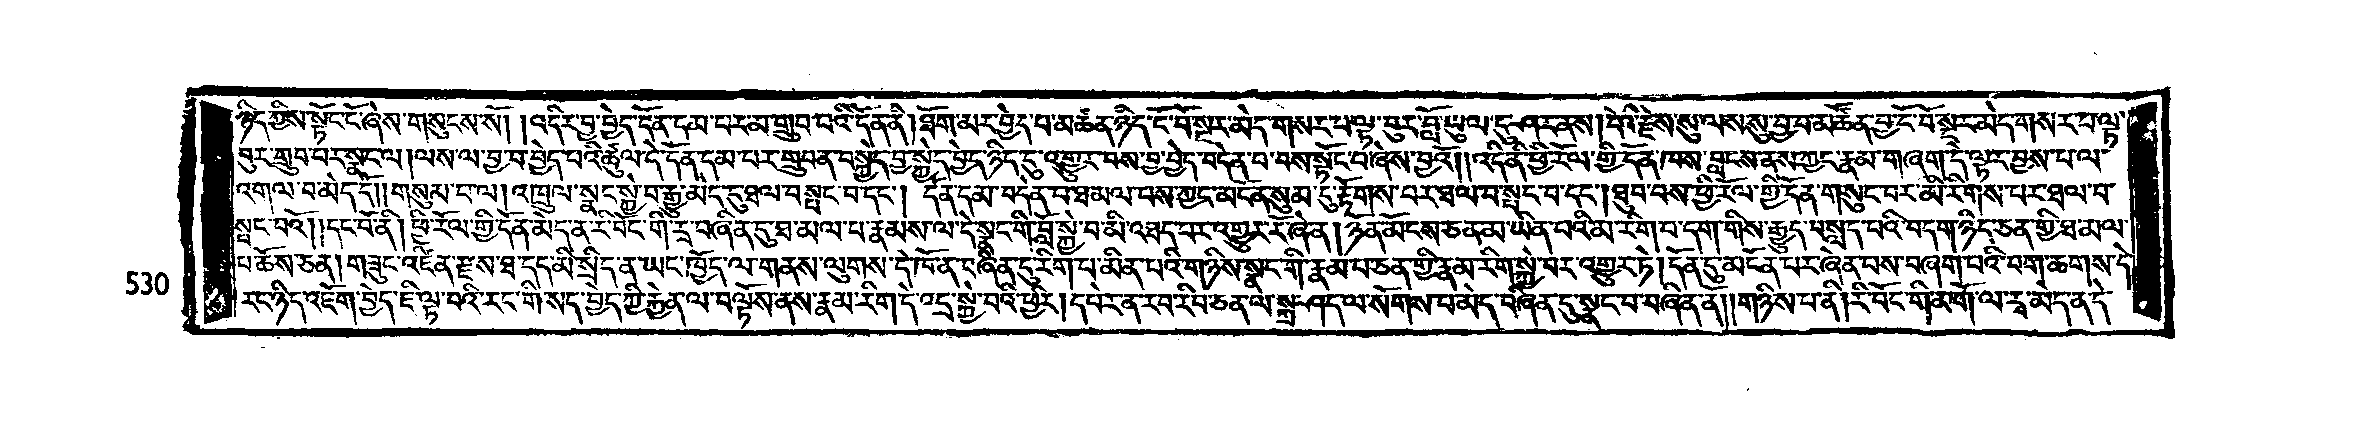ཉིད་ཀྱིས་སྟོང་ངོ་ཞེས་གསུངས་སོ། །འདིར་བྱ་བྱེད་དོན་དམ་པར་མ་གྲུབ་པའི་དོན་ནི། ཐོག་མར་བྱེད་པ་མཚན་ཉིད་ངོ་བོ་སྔར་མེད་གསར་པ་ལྟ་བུར་བློ་ཡུལ་དུ་ཤར་ནས། དེའི་རྗེས་སུ་ལས་སུ་བྱ་བ་མཚོན་བྱ་ངོ་བོ་སྔར་མེད་གསར་པ་ལྟ་
བུར་གྲུབ་པར་སྣང་ལ། ལས་ལ་བྱ་བ་བྱེད་པའི་ཚུལ་དེ་དོན་དམ་པར་གྲུབ་ན་བསྐྱེད་བྱ་སྐྱེད་བྱེད་ཉིད་དུ་འགྱུར་བས་བྱ་བྱེད་བདེན་པ་བས་སྟོང་པ་ཞེས་བྱའོ། །འདི་ནི་ཕྱི་རོལ་གྱི་དོན་ཁས་བླངས་ནས་ཀྱང་རྣམ་གཞག་དེ་ལྟར་བྱས་པ་ལ་
འགལ་བ་མེད་དོ། །གསུམ་པ་ལ། འཁྲུལ་སྣང་སྐྱེ་བ་རྒྱུ་མེད་དུ་ཐལ་བ་སྤང་བ་དང་། དོན་དམ་བདེན་པ་ཐ་མལ་པས་ཀྱང་མངོན་སུམ་དུ་རྟོགས་པར་ཐལ་བ་སྤང་བ་དང་། ཐུབ་པས་ཕྱི་རོལ་གྱི་དོན་གསུང་བར་མི་རིགས་པར་ཐལ་བ་
སྤང་བའོ། །དང་པོ་ནི། ཕྱི་རོལ་གྱི་དོན་མེད་ན་རི་བོང་གི་རྭ་བཞིན་དུ་ཐ་མལ་པ་རྣམས་ལ་དེ་སྣང་གི་བློ་སྐྱེ་བ་མི་འཐད་པར་འགྱུར་རོ་ཞེ་ན། ཉོན་མོངས་ཅན་མ་ཡིན་པའི་མ་རིག་པ་དག་གིས་རྒྱུད་བསླད་པའི་བདག་ཉིད་ཅན་གྱི་ཐ་མལ་
པ་ཆོས་ཅན། གཟུང་འཛིན་རྫས་ཐ་དད་མི་སྲིད་ན་ཡང་ཁྱོད་ལ་གནས་ལུགས་དེ་ཁོ་ན་བཞིན་དུ་རིག་པ་མིན་པའི་གཉིས་སྣང་གི་རྣམ་པ་ཅན་གྱི་རྣམ་རིག་སྐྱེ་བར་འགྱུར་ཏེ། དོན་དུ་མངོན་པར་ཞེན་པས་བཞག་པའི་བག་ཆགས་དེ་
རང་ཉིད་འཇོག་བྱེད་ཇི་ལྟ་བའི་རང་གི་སད་བྱེད་ཀྱི་རྐྱེན་ལ་བལྟོས་ནས་རྣམ་རིག་དེ་འདྲ་སྐྱེ་བའི་ཕྱིར། དཔེར་ན་རབ་རིབ་ཅན་ལ་སྐྲ་ཤད་ལ་སོགས་པ་མེད་བཞིན་དུ་སྣང་བ་བཞིན་ནོ། །གཉིས་པ་ནི། རི་བོང་གི་མགོ་ལ་རྭ་མེད་ན་དེ་